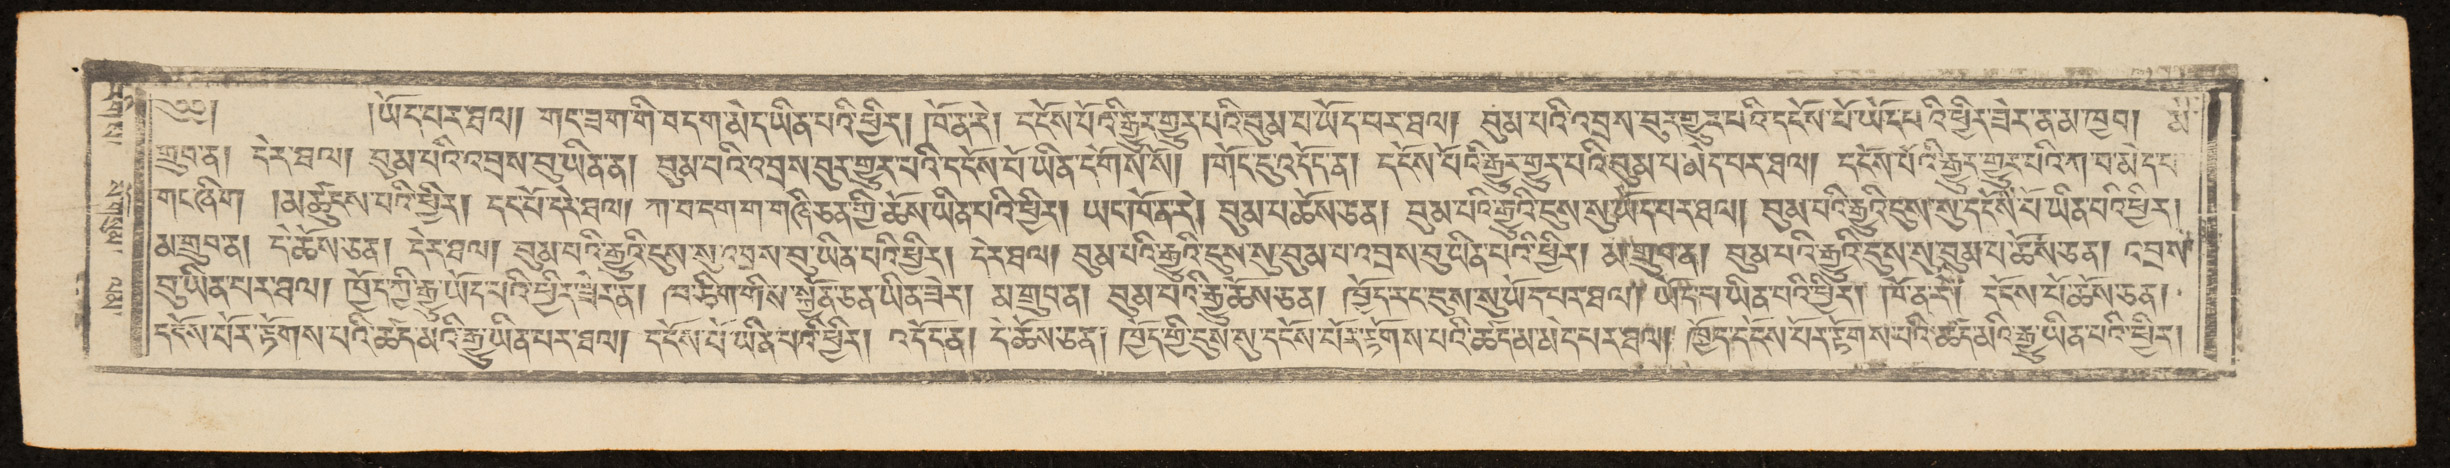༄༅། །ཡོད་པར་ཐལ། གང་ཟག་གི་བདག་མེད་ཡིན་པའི་ཕྱིར། ཁོ་ན་རེ། དངོས་པོའི་རྒྱུར་གྱུར་པའི་བུམ་པ་ཡོད་པར་ཐལ། བུམ་པའི་འབྲས་བུར་གྱུར་པའི་དངོས་པོ་ཡོད་པའི་ཕྱིར་ཟེར་ན་མ་ཁྱབ། མ་
གྲུབ་ན། དེར་ཐལ། བུམ་པའི་འབྲས་བུ་ཡིན་ན། བུམ་པའི་འབྲས་བུར་གྱུར་པའི་དངོས་པོ་ཡིན་དགོས་སོ། །གོང་དུ་འདོད་ན། དངོས་པོའི་རྒྱུར་གྱུར་པའི་བུམ་པ་མེད་པར་ཐལ། དངོས་པོའི་རྒྱུར་གྱུར་པའི་ཀ་བ་མེད་པ་
གང་ཞིག། མཚུངས་པའི་ཕྱིར། དང་པོ་དེར་ཐལ། ཀ་བ་དགག་གཞི་ཅན་གྱི་ཆོས་ཡིན་པའི་ཕྱིར། ཡང་ཁོ་ན་རེ། བུམ་པ་ཆོས་ཅན། བུམ་པའི་རྒྱུའི་དུས་སུ་ཡོད་པར་ཐལ། བུམ་པའི་རྒྱུའི་དུས་སུ་དངོས་པོ་ཡིན་པའི་ཕྱིར།
མ་གྲུབ་ན། དེ་ཆོས་ཅན། དེར་ཐལ། བུམ་པའི་རྒྱུའི་དུས་སུ་འབྲས་བུ་ཡིན་པའི་ཕྱིར། དེར་ཐལ། བུམ་པའི་རྒྱུའི་དུས་སུ་བུམ་པ་འབྲས་བུ་ཡིན་པའི་ཕྱིར། མ་གྲུབ་ན། བུམ་པའི་རྒྱུའི་དུས་སུ་བུམ་པ་ཆོས་ཅན། འབྲས་
བུ་ཡིན་པར་ཐལ། ཁྱོད་ཀྱི་རྒྱུ་ཡོད་པའི་ཕྱིར་ཟེར་ན། ཁ་ཅིག་གིས་སྐྱོན་ཅན་ཡིན་ཟེར། མ་གྲུབ་ན། བུམ་པའི་རྒྱུ་ཆོས་ཅན། ཁྱོད་རང་དུས་སུ་ཡོད་པར་ཐལ། ཡོད་པ་ཡིན་པའི་ཕྱིར། ཁོ་ན་རེ། དངོས་པོ་ཆོས་ཅན།
དངོས་པོར་རྟོགས་པའི་ཚད་མའི་རྒྱུ་ཡིན་པར་ཐལ། དངོས་པོ་ཡིན་པའི་ཕྱིར། འདོད་ན། དེ་ཆོས་ཅན། ཁྱོད་ཀྱི་དུས་སུ་དངོས་པོར་རྟོགས་པའི་ཚད་མ་མེད་པར་ཐལ། ཁྱོད་དངོས་པོར་རྟོགས་པའི་ཚད་མའི་རྒྱུ་ཡིན་པའི་ཕྱིར།